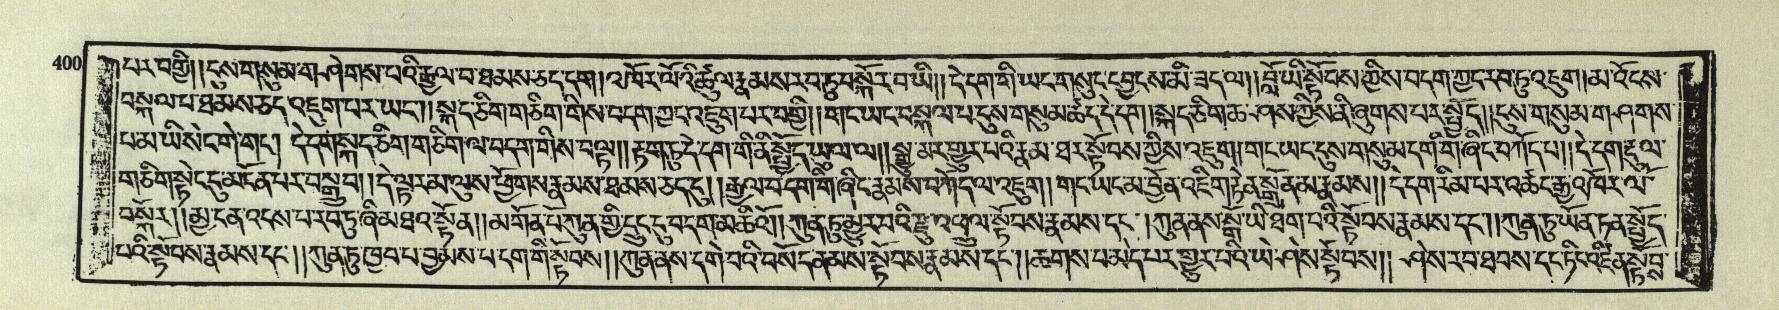པར་བགྱི། །དུས་གསུམ་གཤེགས་པའི་རྒྱལ་བ་ཐམས་ཅད་དག །འཁོར་ལོའི་ཚུལ་རྣམས་རབ་ཏུ་བསྐོར་བ་ཡི། །དེ་དག་གི་ཡང་གསུང་དབྱངས་མི་ཟད་ལ། །བློ་ཡི་སྟོབས་ཀྱིས་བདག་ཀྱང་རབ་ཏུ་འཇུག །མ་འོངས་
བསྐལ་པ་ཐམས་ཅད་འཇུག་པར་ཡང་། །སྐད་ཅིག་གཅིག་གིས་བདག་ཀྱང་འཇུག་པར་བགྱི། །གང་ཡང་བསྐལ་པ་དུས་གསུམ་ཚད་དེ་དག །སྐད་ཅིག་ཆ་ཤས་ཀྱིས་ནི་ཞུགས་པར་སྤྱོད། །དུས་གསུམ་གཤགས་
པ་མ་ཡི་སེང་གེ་གང་། དེ་དག་སྐད་ཅིག་གཅིག་ལ་བདག་གིས་བལྟ། །རྟག་ཏུ་དེ་དག་གི་ནི་སྤྱོད་ཡུལ་ལ། །སྒྱུ་མར་གྱུར་པའི་རྣམ་ཐར་སྟོབས་ཀྱིས་འཇུག །གང་ཡང་དུས་གསུམ་དག་གི་ཞིང་བཀོད་པ། །དེ་དག་རྡུལ་
གཅིག་སྟེང་དུ་མངོན་པར་བསྒྲུབ། །དེ་ལྟར་མ་ལུས་ཕྱོགས་རྣམས་ཐམས་ཅད་དུ། །རྒྱལ་བ་དག་གི་ཞིང་རྣམས་བཀོད་ལ་འཇུག །གང་ཡང་མ་བྱོན་འཇིག་རྟེན་སྒྲོན་མ་རྣམས། །དེ་དག་རིམ་པར་འཚང་རྒྱ་འཁོར་ལོ་
བསྐོར། །མྱ་ངན་འདས་པ་རབ་ཏུ་ཞི་མཐའ་སྟོན། །མགོན་པོ་ཀུན་གྱི་དྲུང་དུ་བདག་མཆིའོ། །ཀུན་ཏུ་མྱུར་བའི་རྫུ་འཕྲུལ་སྟོབས་རྣམས་དང་། །ཀུན་ནས་སྒོ་ཡི་ཐག་པའི་སྟོབས་རྣམས་དང་། །ཀུན་ཏུ་ཡོན་ཏན་སྤྱོད་
པའི་སྟོབས་རྣམས་དང་། །ཀུན་ཏུ་ཁྱབ་པ་བྱམས་པ་དག་གི་སྟོབས། །ཀུན་ནས་དགེ་བའི་བསོད་ནམས་སྟོབས་རྣམས་དང་། །ཆགས་པ་མེད་པར་གྱུར་པའི་ཡེ་ཤེས་སྟོབས། །ཤེས་རབ་ཐབས་དང་ཏིང་འཛིན་སྟོབས་